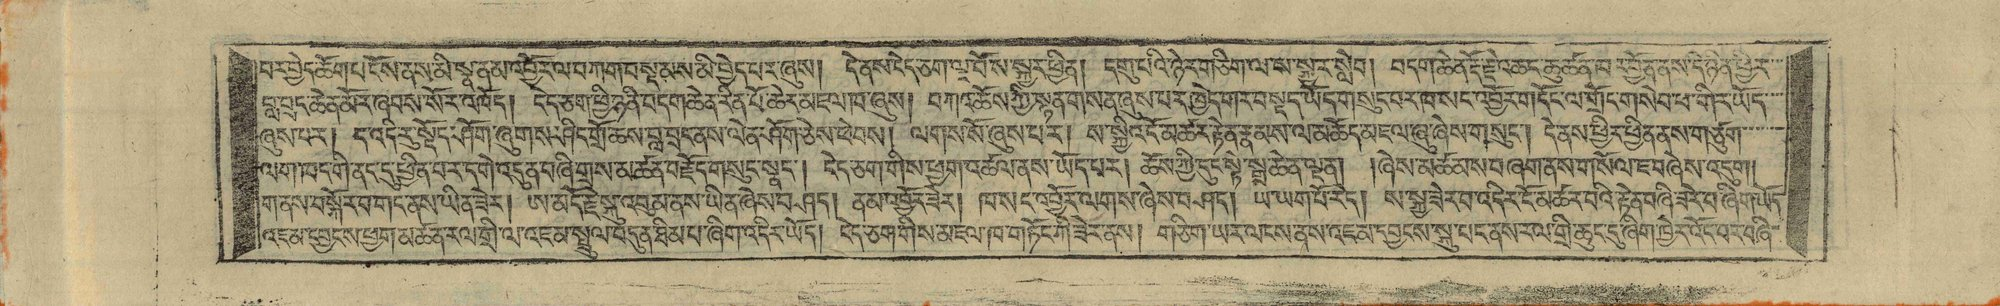བར་བྱེད་ཆོག་པ་ངོས་ནས་མི་སྣ་ནམ་འབྱོར་ལ་བཀག་བསྡམས་མི་བྱེད་པར་ཞུས། དེ་ནས་ངེད་ཅག་ལྔ་པོ་ས་སྐྱར་ཕྱིན། དགུ་པའི་ཉེར་གཅིག་ལ་ས་སྐྱར་སླེབ། བདག་ཆེན་རྡོ་རྗེ་འཆང་ཆུ་ཚན་ཁར་བྱོན་ནས་དེ་ཉིན་ཕྱིར་
བླ་བྲང་ཆེན་མོར་ཞབས་སོར་འཁོད། ངེད་ཅག་ཕྱི་ཉིན་བདག་ཆེན་རིན་པོ་ཆེར་མཇལ་ཁ་ཞུས། བཀའ་ཆོས་ཀྱི་སྙན་གསན་ཞུས་པར་ཁྱེད་གར་བསྡད་ཡོད་གསུང་བར་ཁ་སང་འབྱོར་གདོང་ལ་གྲོང་གསེབ་ཕ་གིར་ཡོད་
ཞུས་པར། ད་འདི་རུ་སྡོད་ཤོག་ཞུགས་ཤིང་གྲོ་ཆས་བླ་བྲང་ནས་ལེན་ཤོག་ཅེས་ཕེབས། ལགས་སོ་ཞུས་པར། ས་སྐྱཱི་ངོ་མཚར་རྟེན་རྣམས་ལ་མཆོད་མཇལ་ཞུ་ཞེས་གསུང་། དེ་ནས་ཕྱིར་ཕྱིན་ནས་གཙུག་
ལག་ཁང་གི་ནང་དུ་ཕྱིན་པར་དགེ་འདུན་བཞི་གྲས་མཚན་བརྗོད་གསུང་སྣང་། ངེད་ཅག་གིས་ཕྱག་འཚལ་ནས་ཡོད་པར། ཆོས་ཀྱི་དུང་སྟེ་སྒྲ་ཆེན་ལྡན། །ཞེས་མཚམས་བཞག་ནས་གསོལ་ཇ་བཞེས་འདུག །
གནས་བསྐོར་བ་གང་ནས་ཡིན་ཟེར། ཨ་མདོ་རྗེ་སྐུ་འབུམ་ནས་ཡིན་ཞེས་བཤད། ནམ་འབྱོར་ཟེར། ཁ་སང་འབྱོར་ལགས་ཞེས་བཤད། ཡ་ཡག་པོ་རེད། ས་སྐྱ་ཟེར་བ་འདིར་ངོ་མཚར་བའི་རྟེན་བཞི་ཟེར་བ་ཞིག་ཡོད་
འཇམ་དབྱངས་ཕྱག་མཚན་རལ་གྲི་ལ་འཇམ་སྤྲུལ་བདུན་ཐིམ་པ་ཞིག་འདིར་ཡོད། ངེད་ཅག་གིས་མཇལ་ཁ་གཏོང་ཀི་ཟེར་ནས། གཅིག་ཡར་ལངས་ནས་འཇམ་དབྱངས་སྐུ་པང་ནས་རལ་གྲི་ཆུང་དུ་ཞིག་ཁྱེར་འོང་བར་བཞི་